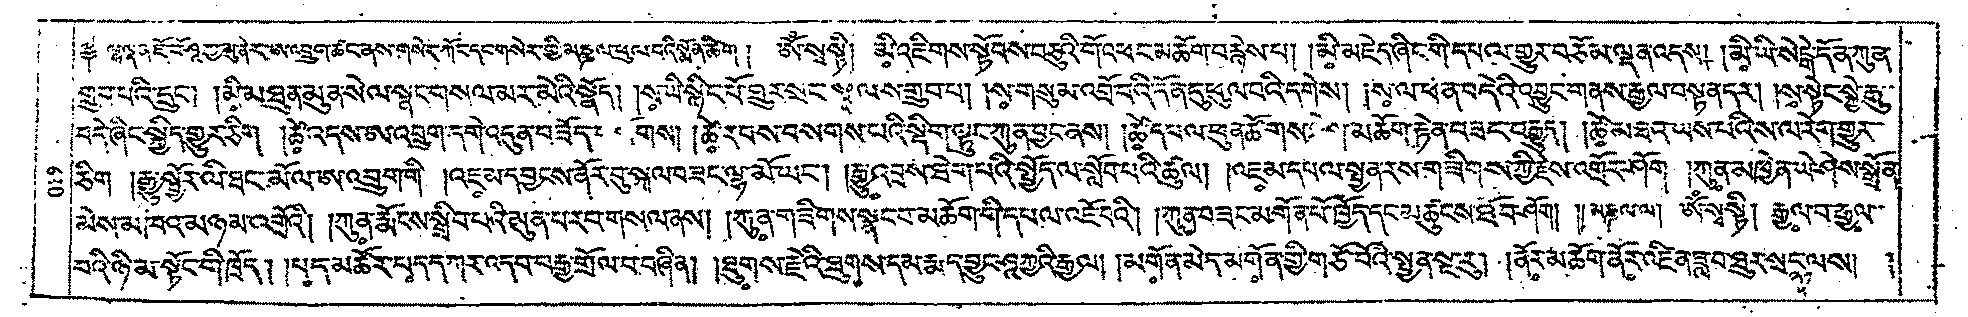༈ ལྷ་ལྡན་ཇོ་བོ་ཤཱཀྱ་མུ་ནེར་ཨ་འབྲུག་ཚང་ནས་གསེར་ཀོང་དང་གསེར་གྱི་མཎྜལ་ཕུལ་བའི་སྨོན་ཚིག །  ཨོཾ་སྭ་སྟི། མི྾་འཇིགས་སྟོབས་བཅུའི་གོ་འཕང་མཆོག་བརྙེས་པ། །མི྾་མཇེད་ཞིང་གི་དཔལ་གྱུར་བཅོམ་ལྡན་འདས། །མི྾་ཡི་སེངྒེ་དོན་ཀུན་
གྲུབ་པའི་དྲུང་། །མི྾་མཐུན་མུན་སེལ་སྣང་གསལ་མར་མེའི་སྣོད། །ས྾་ཡི་སྙིང་པོ་ཐུར་སྲང ༤༠༥༥་ལས་གྲུབ་པ། །ས྾་གསུམ་འགྲོ་བའི་དོན་དུ་ཕུལ་བའི་དགེས། །ས྾་ལ་ཕན་བདེའི་འབྱུང་གནས་རྒྱལ་བསྟན་དར། །ས྾་སྟེང་སྐྱེ་རྒུ་
བདེ་ཞིང་སྐྱིད་གྱུར་ཅིག །ཚེ྾་འདས་ཨ་འབྲུག་དགེ་འདུན་བཟོད་པ་སོགས། །ཚེ྾་རབས་བསགས་པའི་སྡིག་ལྟུང་ཀུན་བྱང་ནས། །ཚེ྾་དཔལ་ཕུན་ཚོགས་ཐེག་མཆོག་རྟེན་བཟང་བརྒྱུད། །ཚེ྾་མཐའ་ཡས་པའི་ས་ལ་རེག་གྱུར་
ཅིག །རྒྱུ྾་སྦྱོར་ལི་ཐང་མོ་ལ་ཨ་འབྲུག་གི །འཇམ྾་དབྱངས་ནོར་བུ་སྐལ་བཟང་ལྷ་མོ་ཡང་། །རྒྱུ྾་འབྲས་ཐེག་པའི་སྤྱོད་ལ་སློབ་པའི་ཚུལ། །འཇམ྾་དཔལ་སྤྱན་རས་གཟིགས་ཀྱི་རྗེས་འགྲོར་ཤོག །ཀུན྾་མཁྱེན་ཡེ་ཤེས་སྒྲོན་
མེས་མཁའ་མཉམ་འགྲོའི། །ཀུན྾་རྨོངས་སྒྲིབ་པའི་མུན་པ་རབ་གསལ་ནས། །ཀུན྾་གཟིགས་སྣང་བ་མཆོག་གི་དཔལ་འཇོ་བའི། །ཀུན྾་བཟང་མགོན་པོ་ཁྱོད་དང་མཚུངས་ཐོབ་ཤོག། །། མཎྜལ་ལ།  ཨོཾ་སྭ་སྟི། རྒྱལ྾་བ་རྒྱལ྾་
བའི་ཉི་མ་སྟོང་གི་ཁྲོད། །པད྾་མཚོར་པད྾་དཀར་འདབ་བརྒྱ་གྲོལ་བ་བཞིན། །ཐུགས྾་རྗེའི་ཐུགས྾་དམ་རྨད་བྱུང་ཤཱཀྱའི་རྒྱལ། །མགོན྾་མེད་མགོན྾་གྱི་གཙོ་བོའི་སྤྱན་སྔ་རུ། །ནོར྾་མཆོག་ནོར྾་འཛིན་ཟླ་བ་ཐུར་སྲང ༢༡༥་ལས། །